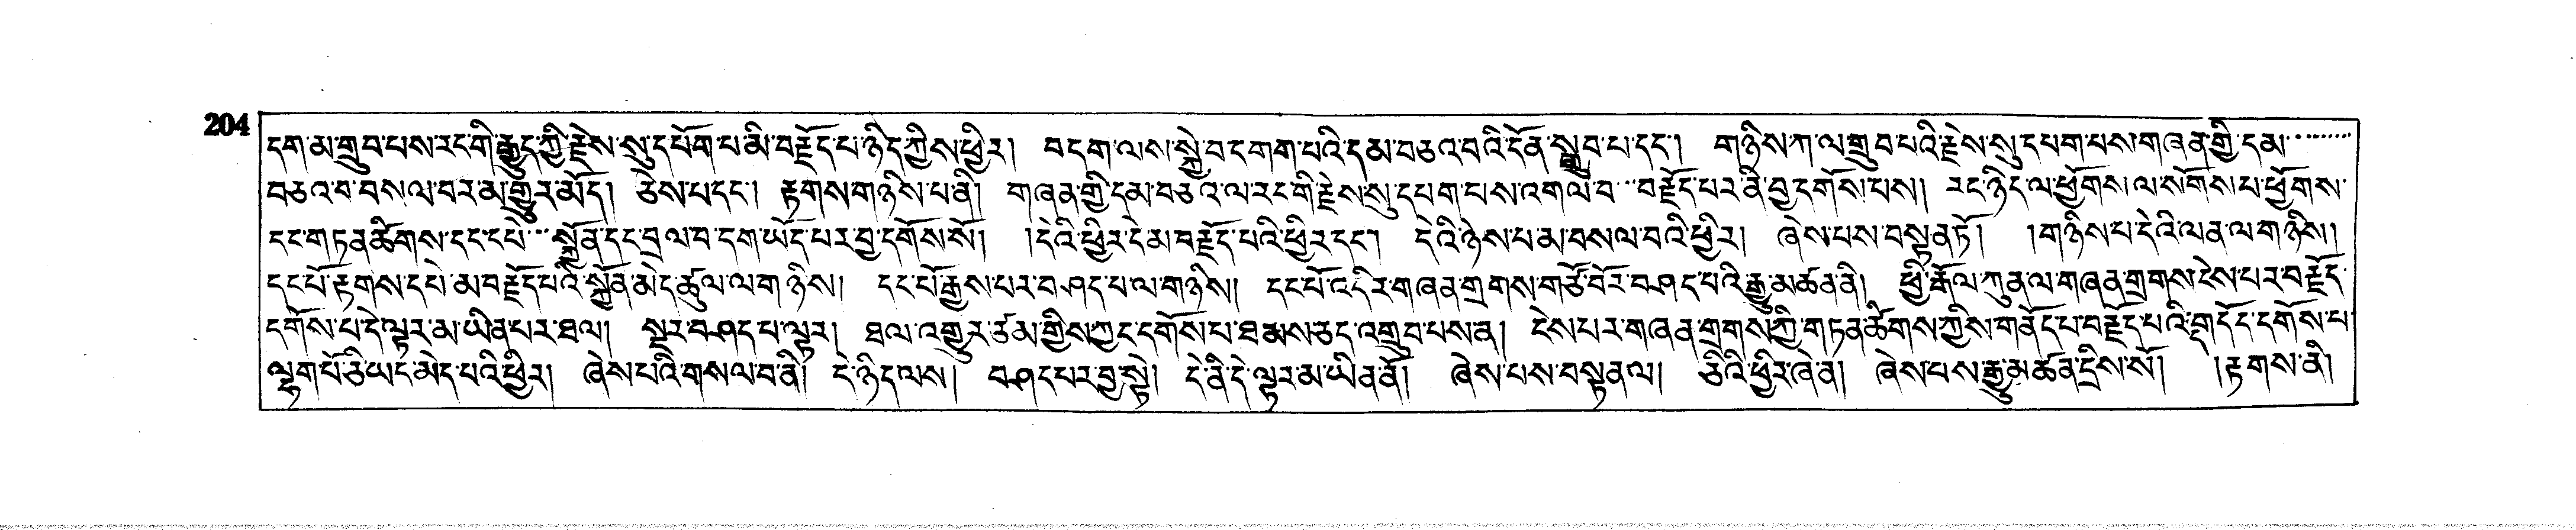དག་མ་གྲུབ་པས་རང་གི་རྒྱུད་ཀྱི་རྗེས་སུ་དཔོག་པ་མི་བརྗོད་པ་ཉིད་ཀྱིས་ཕྱིར། བདག་ལས་སྐྱེ་བ་དགག་པའི་དམ་བཅའ་བའི་དོན་སྒྲུབ་པ་དང་། གཉིས་ཀ་ལ་གྲུབ་པའི་རྗེས་སུ་དཔག་པས་གཞན་གྱི་དམ་
བཅའ་བ་བསལ་བར་མ་གྱུར་མོད། ཅེས་པ་དང་། རྟགས་གཉིས་པ་ནི། གཞན་གྱི་དམ་བཅའ་ལ་རང་གི་རྗེས་སུ་དཔག་པས་འགལ་བ་བརྗོད་པར་ནི་བྱ་དགོས་པས། རང་ཉིད་ལ་ཕྱོགས་ལ་སོགས་པ་ཕྱོགས་
དང་གཏན་ཚིགས་དང་དཔེ་སྐྱོན་དང་བྲལ་བ་དག་ཡོད་པར་བྱ་དགོས་སོ། །དེའི་ཕྱིར་དེ་མ་བརྗོད་པའི་ཕྱིར་དང་། དེའི་ཉེས་པ་མ་བསལ་བའི་ཕྱིར། ཞེས་པས་བསྟན་ཏོ། །གཉིས་པ་དེའི་ལན་ལ་གཉིས།
དང་པོ་རྟགས་དཔེ་མ་བརྗོད་པའི་སྐྱོན་མེད་ཚུལ་ལ་གཉིས། དང་པོ་རྒྱས་པར་བཤད་པ་ལ་གཉིས། དང་པོ་འདིར་གཞན་གྲགས་གཙོ་བོར་བཤད་པའི་རྒྱུ་མཚན་ནི། ཕྱི་རྒོལ་ཀུན་ལ་གཞན་གྲགས་ངེས་པར་བརྗོད་
དགོས་པ་དེ་ལྟར་མ་ཡིན་པར་ཐལ། སྔར་བཤད་པ་ལྟར། ཐལ་འགྱུར་ཙམ་གྱིས་ཀྱང་དགོས་པ་ཐམས་ཅད་འགྲུབ་པས་ན། ངེས་པར་གཞན་གྲགས་ཀྱི་གཏན་ཚིགས་ཀྱིས་གནོད་པ་བརྗོད་པའི་དག་དོད་དགོས་པ་
ལྷག་པོ་ཅི་ཡང་མེད་པའི་ཕྱིར། ཞེས་པའི་གསལ་བ་ནི། དེ་ཉིད་ལས། བཤད་པར་བྱ་སྟེ། དེ་ནི་དེ་ལྟར་མ་ཡིན་ནོ། ཞེས་པས་བསྟན་ལ། ཅིའི་ཕྱིར་ཞེ་ན། ཞེས་པས་རྒྱུ་མཚན་དྲིས་སོ། །རྟགས་ནི།